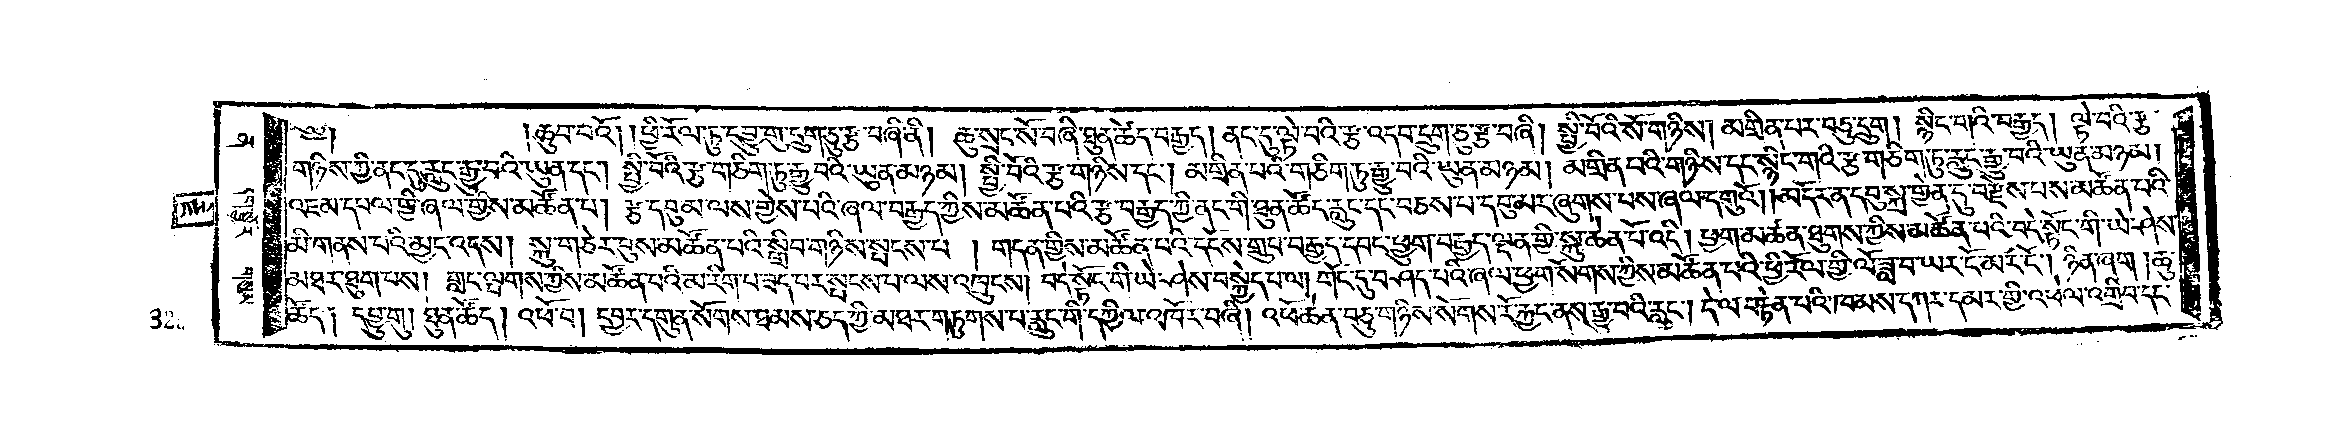༄༅། །ཆུབ་པའོ། །ཕྱི་རོལ་ཏུ་དབྱུ་གུ་དྲུག་ཅུ་རྩ་བཞི་ནི། ཆུ་སྲང་སོ་བཞི་ཐུན་ཚེད་བརྒྱད། ནང་དུ་ལྟེ་བའི་རྩ་འདབ་དྲུག་ཅུ་རྩ་བཞི། སྤྱི་བོའི་སོ་གཉིས། མགྲིན་པར་བཅུ་དྲུག །སྙིང་གའི་བརྒྱད། ལྟེ་བའི་རྩ་
གཉིས་ཀྱི་ནང་དུ་རླུང་རྒྱུ་བའི་ཡུན་དང་།སྤྱི་བོའི་རྩ་གཅིག་ཏུ་རྒྱུ་བའི་ཡུན་མཉམ། སྤྱི་བོའི་རྩ་གཉིས་དང་།མགྲིན་པའི་གཅིག་ཏུ་རྒྱུ་བའི་ཡུན་མཉམ། མགྲིན་པའི་གཉིས་དང་སྙིང་གའི་རྩ་གཅིག་ཏུ་རླུང་རྒྱུ་བའི་ཡུན་མཉམ། །
འཇམ་དཔལ་གྱི་ཞལ་གྱིས་མཚོན་པ། རྩ་དབུ་མ་ལས་གྱེས་པའི་ཞལ་བརྒྱད་ཀྱིས་མཚོན་པའི་རྩ་བརྒྱད་ཀྱི་ནང་གི་ཐུན་ཚོད་རླུང་དང་བཅས་པ་དབུ་མར་ཞུགས་པས་ཞལ་དགུའོ། །མདོར་ན་དབུ་སྐྲ་གྱེན་དུ་བརྫེས་པས་མཚོན་པའི་
མི་གནས་པའི་མྱང་འདས། སྐུ་གཅེར་བུས་མཚོན་པའི་སྒྲིབ་གཉིས་སྤངས་པ། གདན་གྱིས་མཚོན་པའི་དངོས་གྲུབ་བརྒྱད་དབང་ཕྱུག་བརྒྱད་ལྡན་གྱི་སྐུ་ཆེན་པོ་འདི། ཕྱག་མཚན་ཐུགས་ཀྱིས་མཚོན་པའི་བདེ་སྟོང་གི་ཡེ་ཤེས་
མཐར་ཐུག་པས། གླང་ལྤགས་ཀྱིས་མཚོན་པའི་མ་རིག་པ་ཟད་པར་སྤངས་པ་ལས་འཁྲུངས། བདེ་སྟོང་གི་ཡེ་ཤེས་བསྐྱེད་པ་ལ། གོང་དུ་བཤད་པའི་ཞལ་ཕྱག་སོགས་ཀྱིས་མཚོན་པའི་ཕྱི་རོལ་གྱི་ལོ་ཟླ་བ་ཡར་ངོ་མར་ངོ། ཉིན་ཞག །ཆུ་
ཚོད། དབྱུ་གུ །ཐུན་ཚོད། འཕོ་བ། དབྱར་དགུན་སོགས་ཐམས་ཅད་ཀྱི་མཐར་གཏུགས་པ་རླུང་གི་དཀྱིལ་འཁོར་བཞི། འཕོ་ཆེན་བཅུ་གཉིས་སོགས་རོ་རྐྱང་ནས་རྒྱུ་བའི་རླུང་། དེ་ལ་བརྟེན་པའི་ཁམས་དཀར་དམར་གྱི་འཕེལ་འགྲིབ་དང་